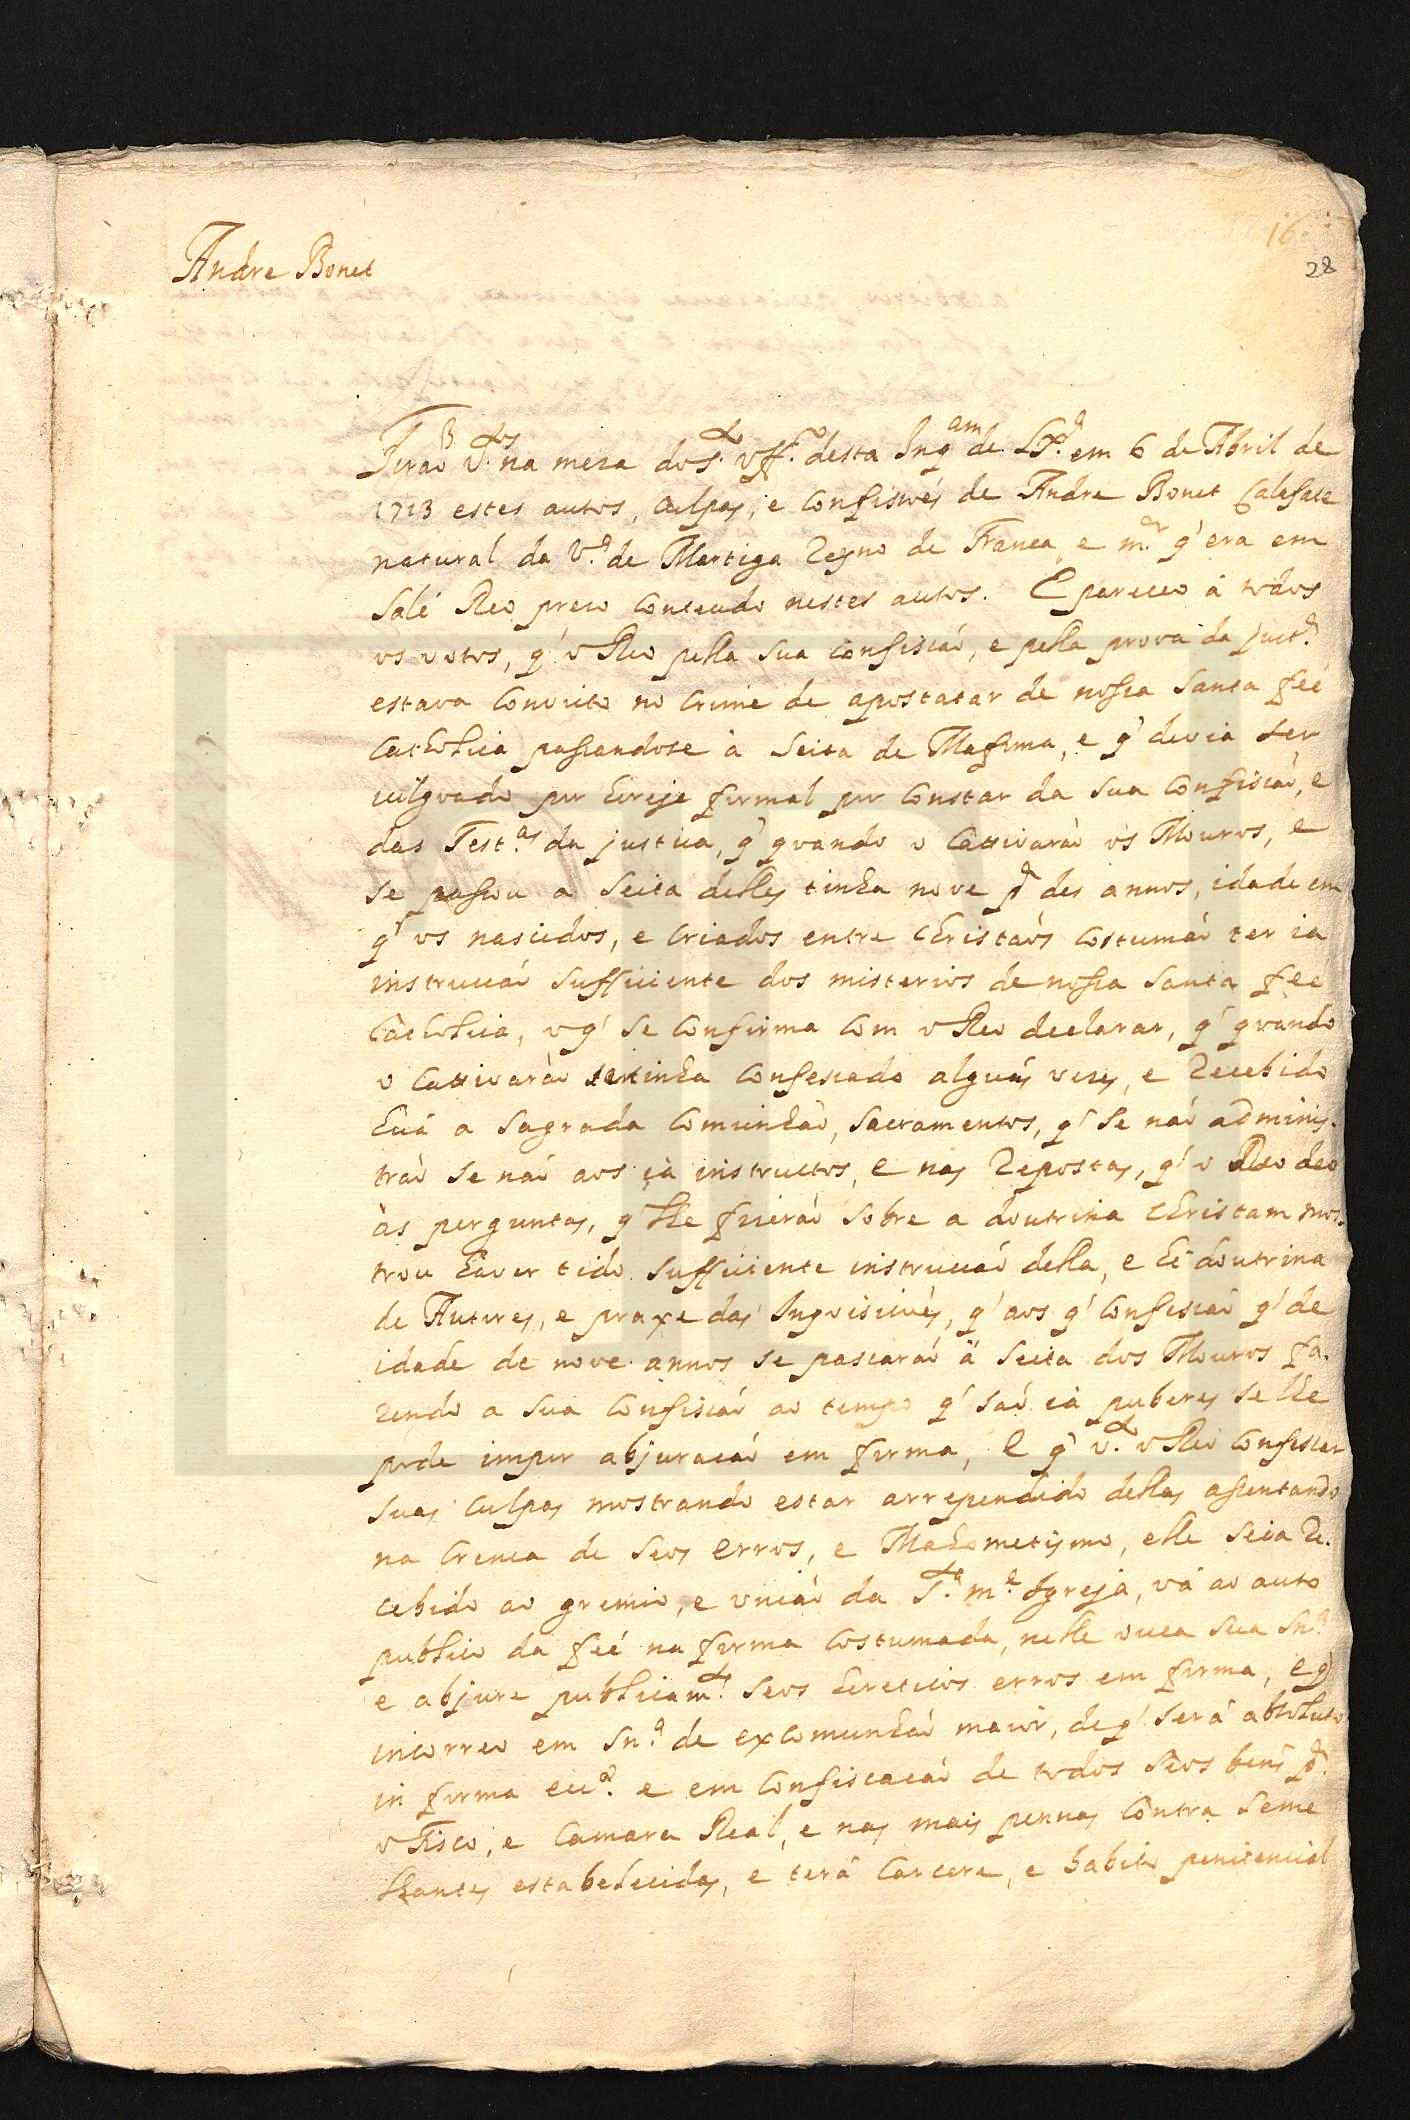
Andre Bonet
Foraõ v.tos na meza do s.to off.o desta Inq.am de Lx.a em 6 de Abril de
1713 estes autos, culpas; e confissoẽs de Andre Bonet Calafate
natural da V.a de Martiga Reyno de França, e m.or q̄ era em
Salé Reo prezo conteudo nestes autos. E pareceo á todos
os votos, q̄ o Reo pella sua confissaõ, e pella prova da Just.a
estava convicto no crime de apostatar de nossa santa feé
catholica passandose à seita de Mafoma, e q̄ deuia ser
iulguado por hereje formal por Constar da sua confisçaõ, e
das Test.as da justiça, q̄ quando o Cattivaraõ os Mouros, e
se passou a seita delles tinha nove pa des annos, idade em
q̄ os nascidos, e criados entre christaõs costumaõ ter ia
instrucçaõ sufficiente dos misterios de nossa santa fee
Catholica, o q̄ se Confirma Com o Reo declarar, q̄ quando
o cattivaraõ se tinha confessado alguās vezes, e Recebido
huā a sagrada Comunhaõ, sacramentos, q̄ se naõ adminis
traõ se naõ aos ià instructos, e nas Repostas, q̄ o Reo deo
às perguntas, q̄ lhe fizeraõ sobre a doutrina christam mos
trou haver tido sufficiente instrucçaõ della, e hé doutrina
de Autores, e praxe das Inquisições, q̄ aos q̄ Confessaõ q̄ de
idade de nove annos se passaraõ a seita dos Mouros fa
zendo a sua Confissaõ ao tempo q̄ saõ ià puberes se lhe
pode impor abjuraçaõ em forma, e q̄ v.to o Reo confessar
suas culpas mostrando estar arrependido dellas assentando
na crença de seos erros, e Mahometismo, elle seia Re
cebido ao gremio, e vniaõ da s.ta m.e Igreja, vá ao auto
publico da feé na forma costumada, nelle ouça sua sn.a
e abjure publicam.te seos hereticos erros em forma, e q̄
incorreo em sn.a de excomunhaõ maior, de q̄ será absoluto
in forma ecc.æ e em confiscaçaõ de todos seos bens pa
o Fisco, e Camara Real, e nas mais pennas contra seme
lhantes estabelecidas, e terá Carcere, e habito penitencial
